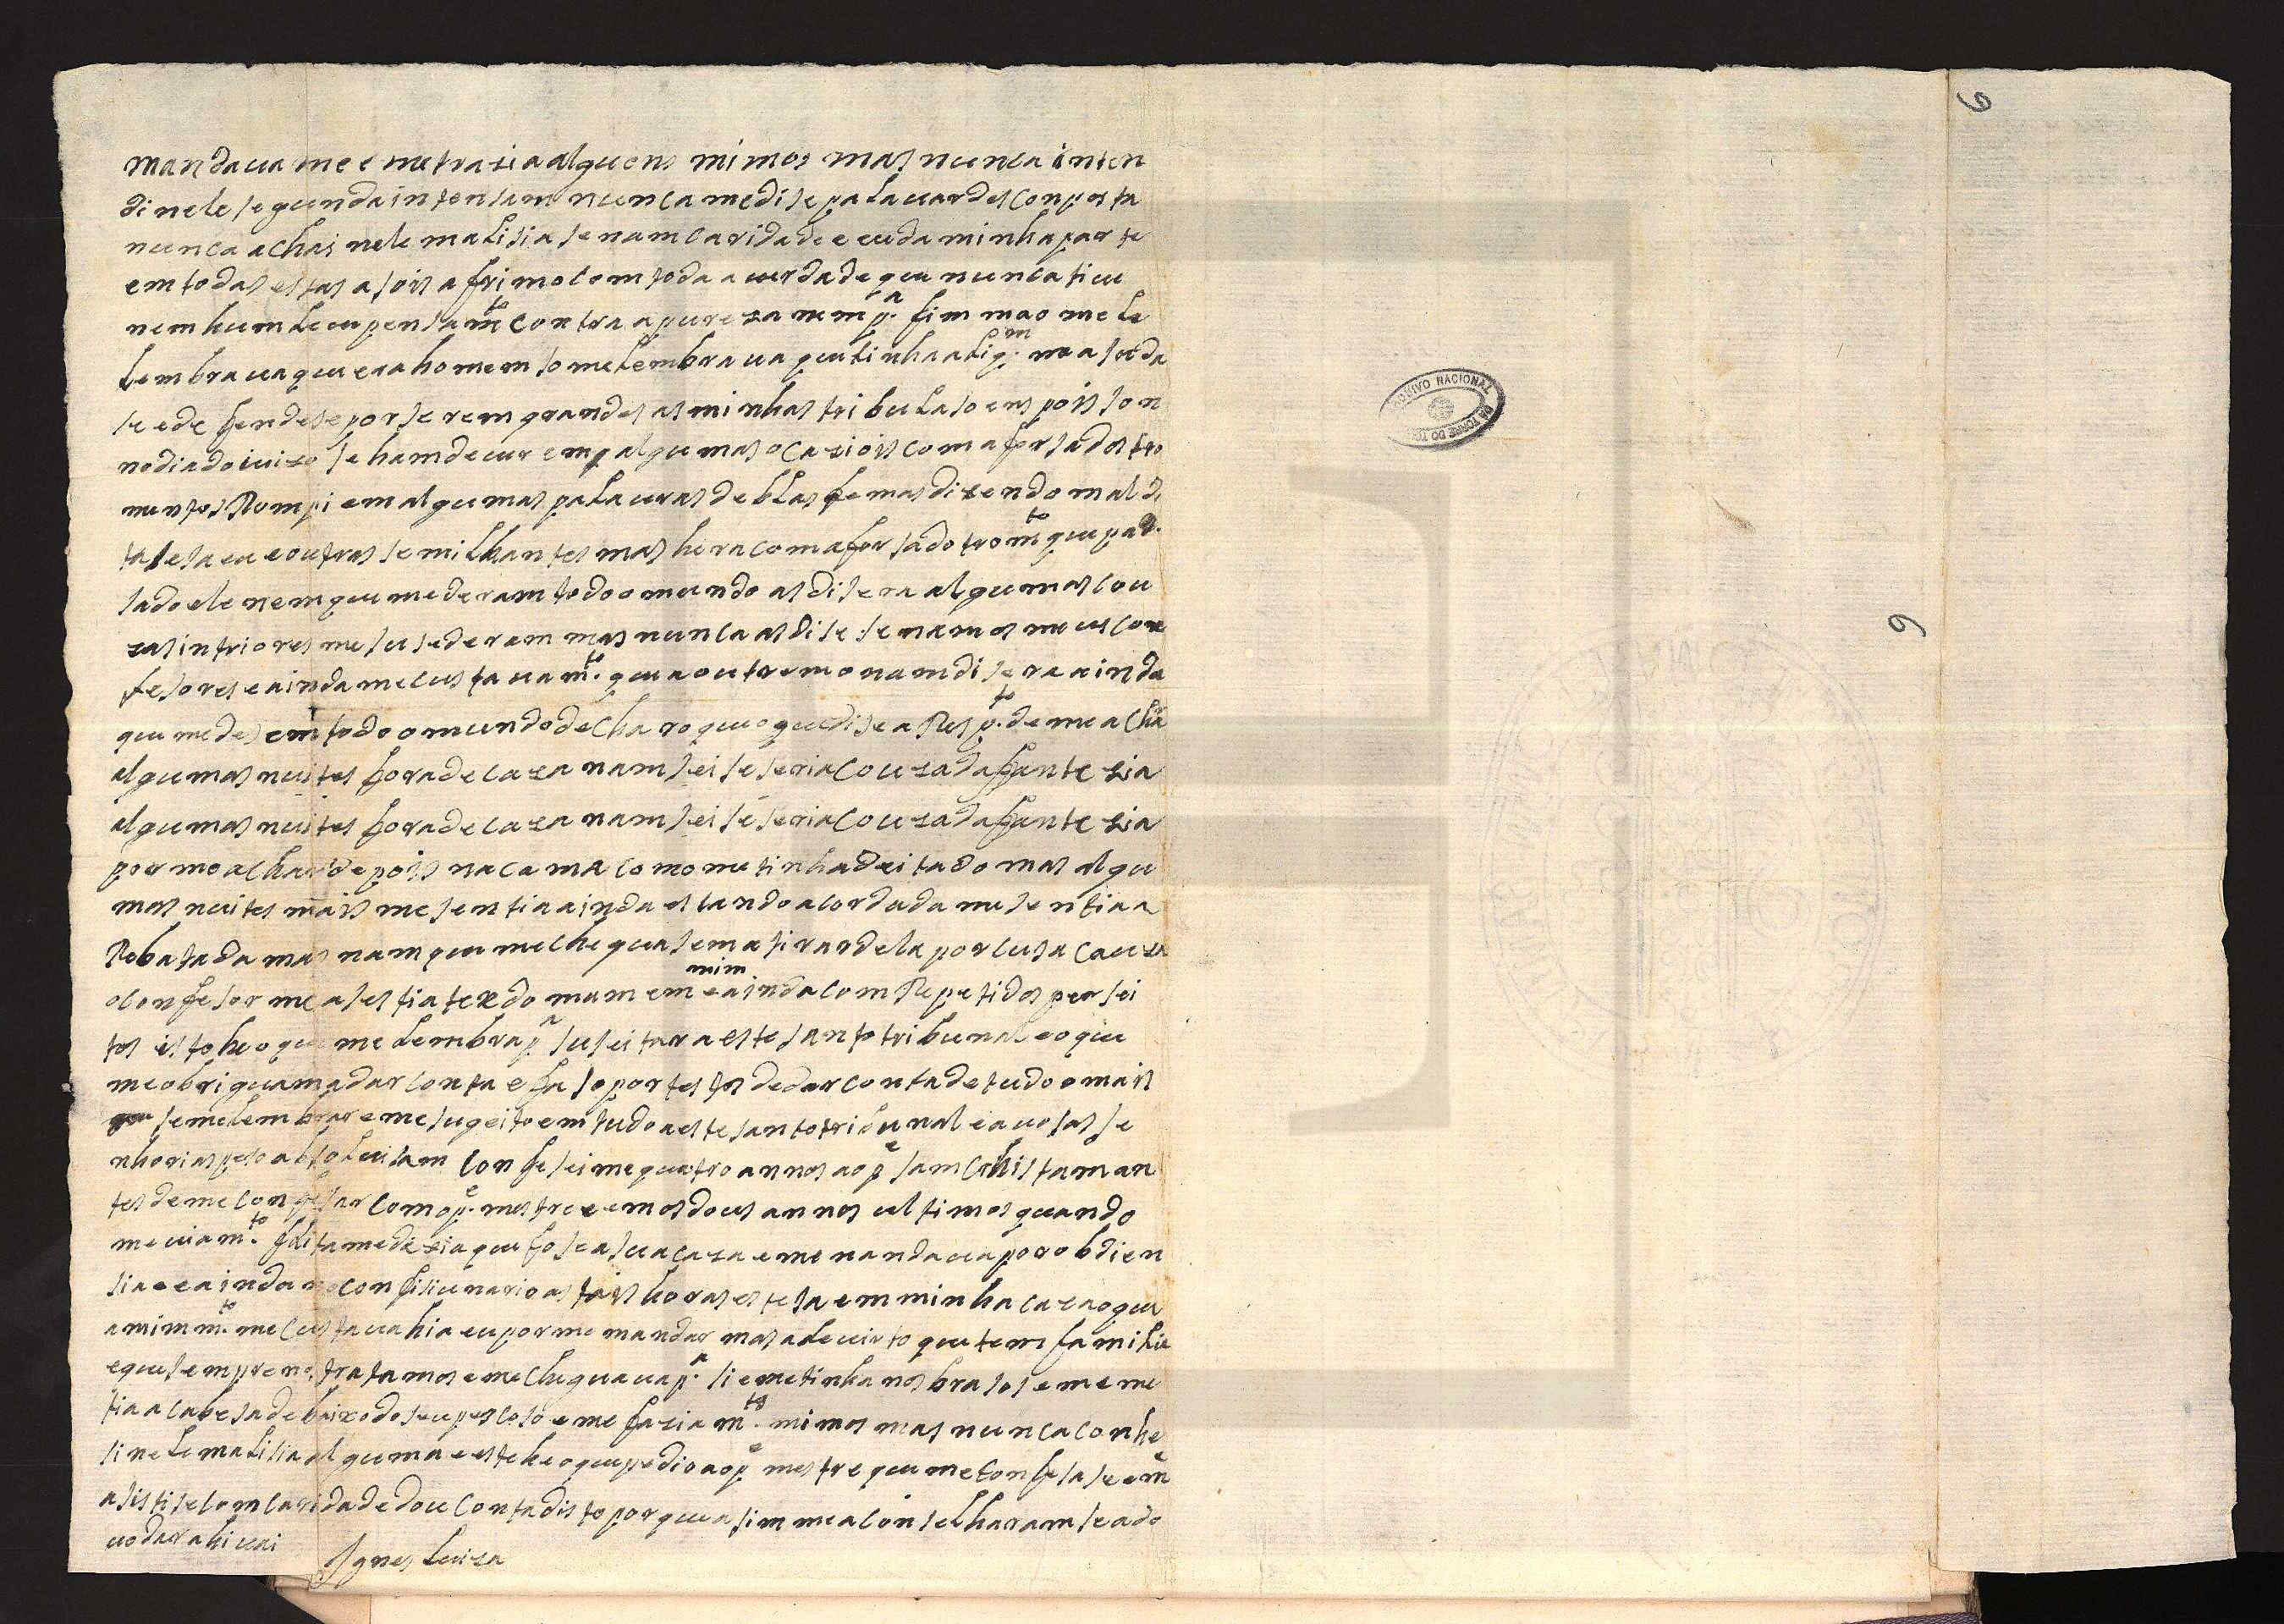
mandauame e metrazia alguens mimos mas nunca inten
di nele segunda intensam nunca me dise palauar desconposta
nunca achai nele malisia senam caridade e eu da minha parte
em todas estas asois afrimo com toda a uerdade que nunca tiue
nemhum le ou pensamto contra a pureza nem p.a fim mao me la
lembraua que era homem so me Lembraua que tinha ali q.m ma ajuda
se e defendese por serem grandes as minhas tribulasoens pois so n
no dia do iuizo se ham de uer em q algumas ocaziois com a forsa dos tro
mentos Rumpi em algumas palauras de blasfemas dizendo maldi
ta seja eu e outras semilhantes mas hera com a forsa do tromto que pa_
sado ele nem que me deram todo o mundo as disera algumas cou
zas intriores me susederam mas nunca as dise senam os meus con
fesores e ainda me custaua m.to que a outrem o nam disera ainda
que me desem todo o mundo declaro que o que dise a Resp.to de me achar
algumas nuites fora de caza nam sei se seria couza da fantezia
por me achar depois na cama como me tinha deitado mas algu
mas noites mais me sentia ainda estando acordada me sentia a
Rebatada mas nam que me cheguasem a tirar dela por cuja cauza
mim
o confesor me asestia tendo mam em e ainda com Repetidos persei
tos isto he o que me Lembra pa sujeitar a este santo tribunal e o que
me obriguam a dar conta e faso por testos de dar conta de tudo o mais
se me lembrar e me sugeito em tudo a este santo tribunal e a uosas se
nhorias peso absoLuisam confeseime quatro annos ao pe samcrhistam an
tes de me confesar com o p.e mestre e em os dous annos ultimos quando
me uia m.to flita me dizia que fose a sua caza e me mandaua por obdien
sia o e ainda no confisiunario as tais horas esteja em minha caza o que
a mim m.to me Custaua hia eu por me mandar mas adeuirto que tem familia
e que sempre no tratamos e me cheguaua p.a si e me tinha nos brasos e me me
tia a cabesa debaixo do seu pescoso e me fazia m.tos mimos mas nunca conhe
si nele malisia alguma e este he o que pedio ao pe mestre que me confesase e me
asistise com caridade dou conta disto porque asim me aconselharam se a de
uo dar ahi uai Jgnes Luiza
